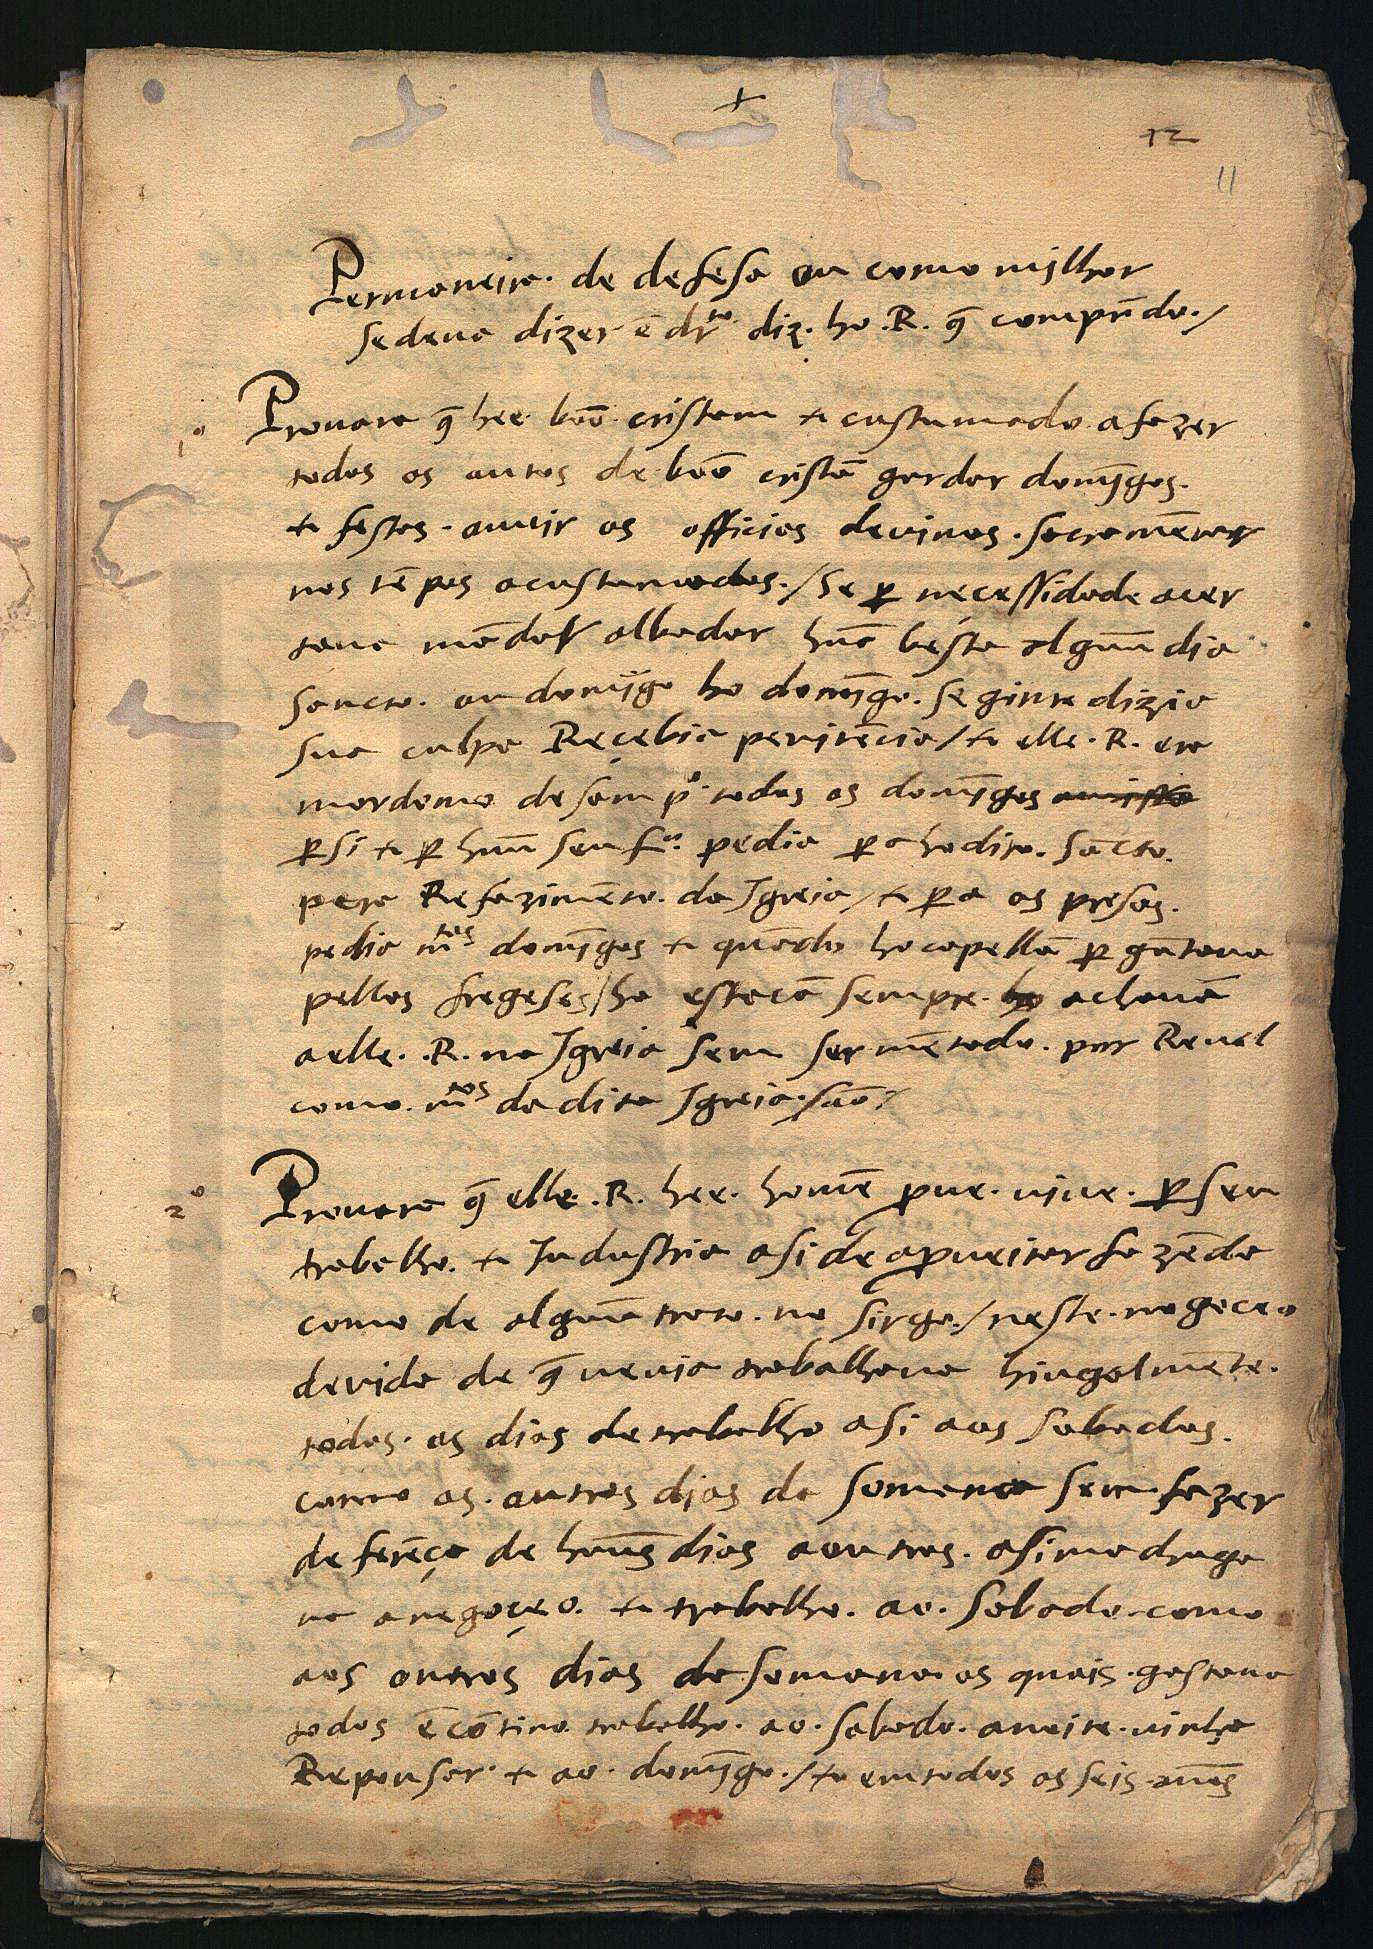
Per maneira de defesa ou como mjlhor
se deua dizer ē drto diz. ho .R. q̄ comprīdo ./
Prouara q̄ hee boō cristam e custumado a fazer
todos os autos de boō cristā gardar domj̄gos.
e festas . ouuir os officios deuinos . sacramēmos
nos tēpos acustumados ./ se ꝑ neçessidade acer
taua mādar albadar hūa besta algūu dia
sancto ou domj̄go ho domj̄go . seginte dizia
sua culpa Reçebia pejitēcia / e elle .R. era
mordomo de sam po. todos os domj̄gos
ꝑ si e ꝑ huū seu fo. pedia ꝑa ho dito . sācto.
pera Refazimēto da Jgreia / e ꝑa os presos.
pedia mtos domj̄gos e quādo ho capellā ꝑgūtaua
pellos fregeses / ho esteiā sempre ho achauā
a elle .R. na Jgreia sem ser mētado . por Reuel
como mtos da dita Jgreia. são ./
Prouara q̄ elle .R. hee. homē ꝓue. uiue. ꝑ seu
trabalho. e Jndustria asi de aꝓueitar fazēda
como de alguū trato. no sirgo ./ neste. negoceo
de uida de q̄ ueuia trabalhaua hingalmēte.
todos . os dias de trabalho asi aos sabados.
como os . outros djas da somana sem fazer
deferēça de huūs dias a outros. asi madruga
ua o negoçeo. e trabalho .ao. sabado. como
aos outros dias da somana os quais. gastaua
todos ē cōtino trabalho. ao . sabado. a noite. uinha
Repousar. e ao . domj̄go ./ e em todos os seis an̄os
